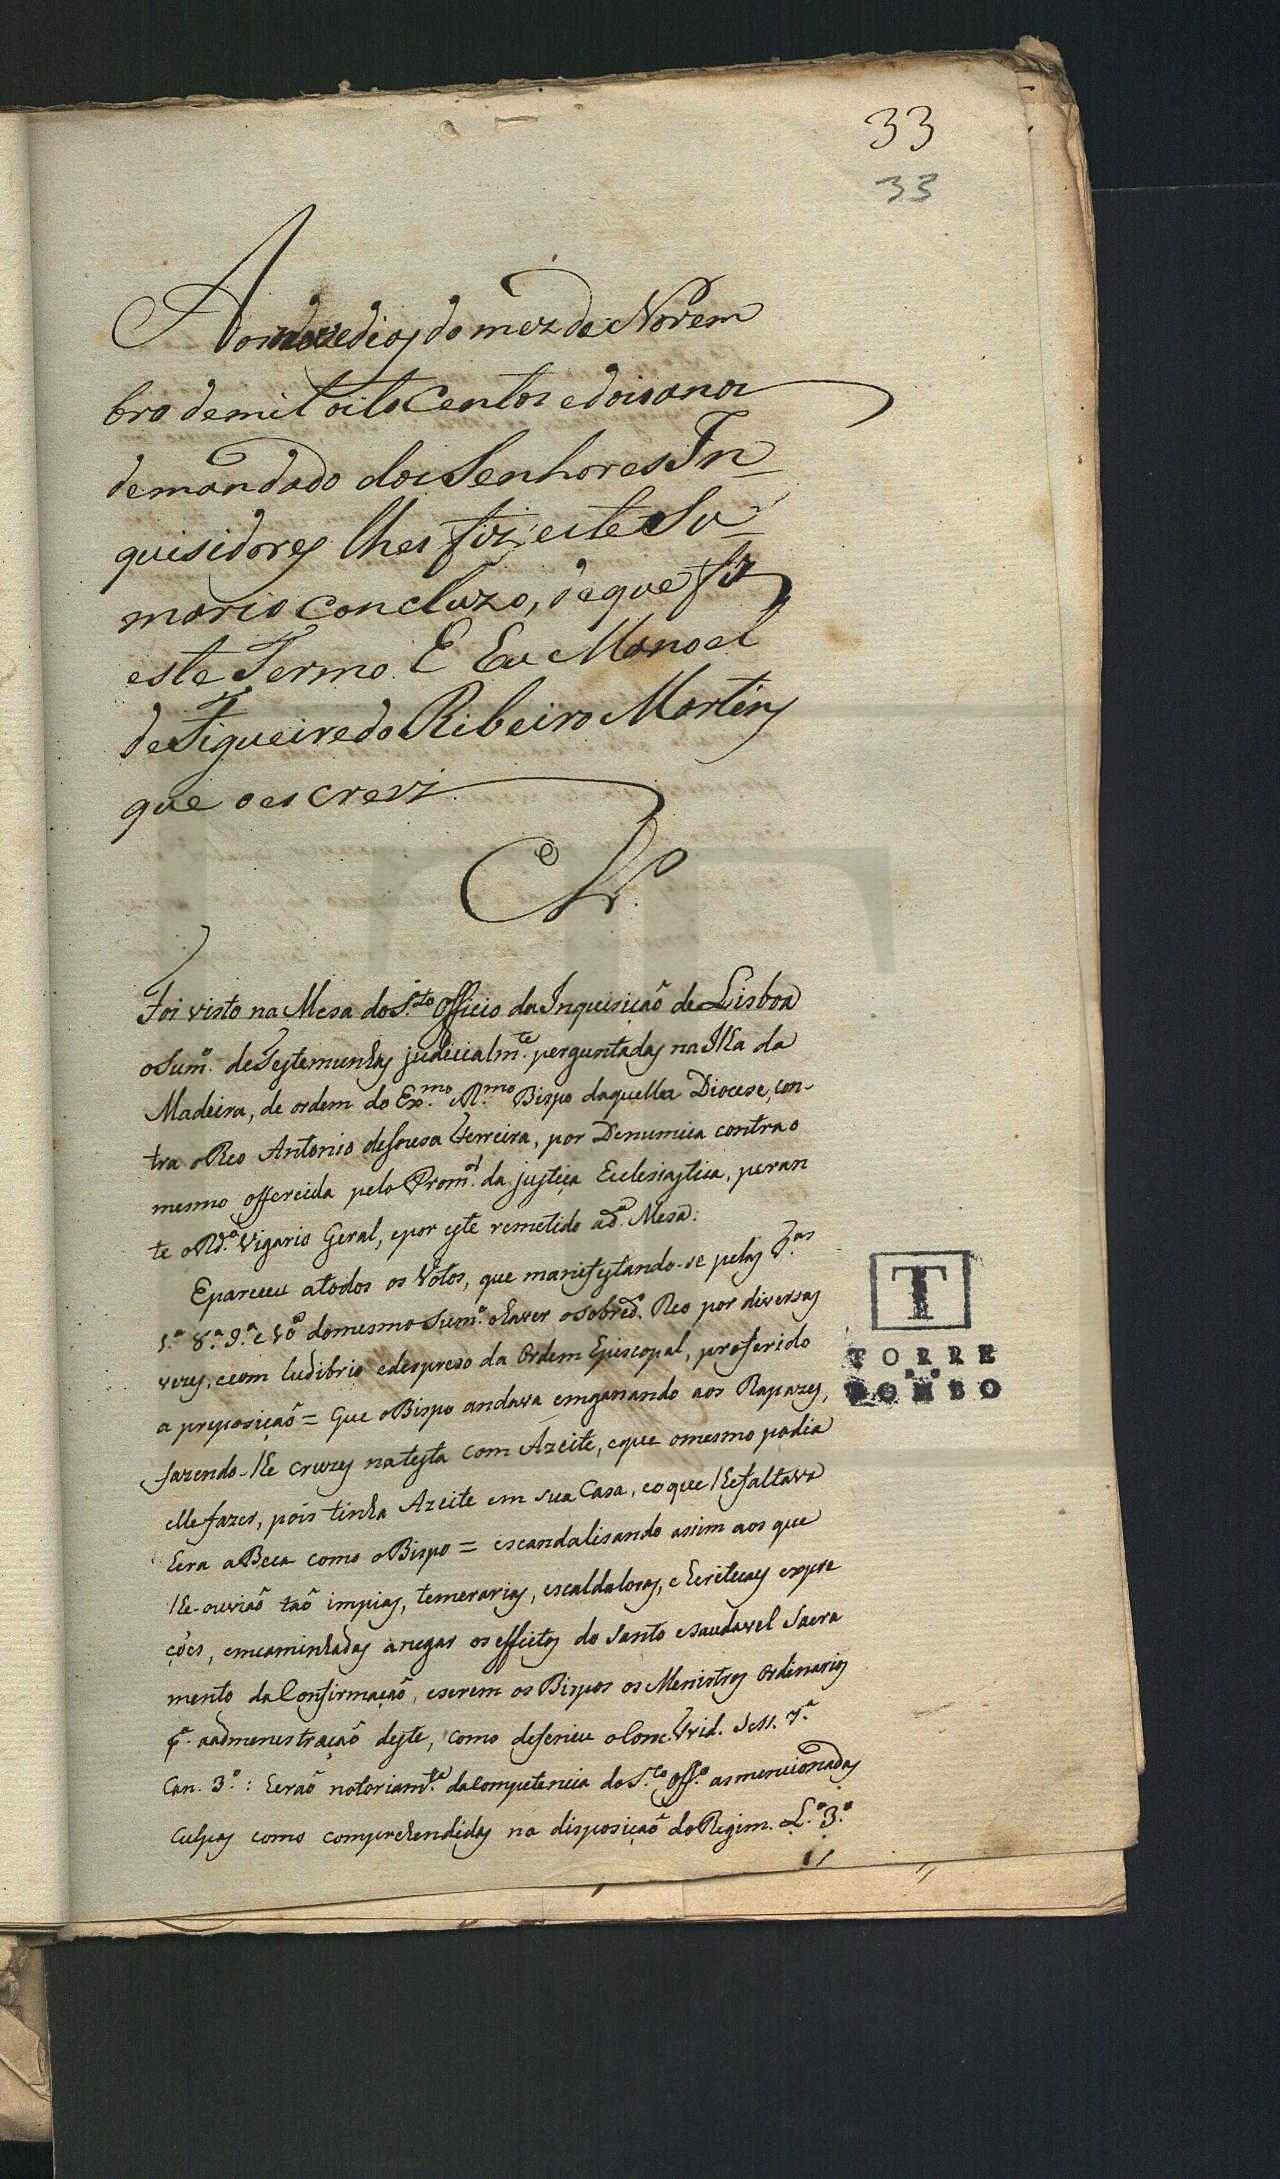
33
Aos doze dias do mez de Novem
bro de mil oitocentos e dois anoz
de mandado dos Senhores In
quisidores lhes fiz este Su
mario concluzo, de que fiz
este Termo E Eu Manoel
de Figueiredo Ribeiro Martins
que o escrevj
CL.o
Foi visto na Mesa do S.to Officio da Inquisiçaõ de Lisboa
o Sum.o de Testemunhas judicialm.te perguntadas na Ilha da
Madeira, de ordem do Ex.mo e R.mo Bispo daquella Diocese, con
tra o Reo Antonio de sousa Ferreira, por Denumcia contra o
mesmo offercida pelo Prom.or da justiça Ecclesiastica, peran
te o Rd.o Vigario Geral, e por este remetido a d.a Mesa:
E pareceu a todos os Votos, que manifestando-se pelas T.as
1.a 8.a 9.a e 10a do mesmo sum.o o haver o sobred.o Reo por diversas
vezes, e com ludibrio e despreso da Ordem Episcopal, proferido
a preposiçaõ = Que o Bispo andava emganando aos Rapazes,
fazendo-lhe cruzes na testa com Azeite, e que o mesmo podia
elle fazer, pois tinha Azeite em sua casa, e o que lhe faltava
hera a Beca como o Bispo = escandalisando assim aos que
lhe ouviaõ taõ impias, temerarias, escaldalosas, e heritecaes expre
ções, emcaminhadas a negar os effeitos do santo e saudavel Sacra
mento da Confirmaçaõ, e serem os Bispos os Menistros Ordinarios
p.a a admenestraçaõ deste, como defeniu o Conc. Trid. sess. 7.a
Con. 3.o: heraõ notoriam.te da competencia do S.to off.o as mencionadas
culpas como comprehendidas na disposiçaõ do Regim. L.o 3.o
